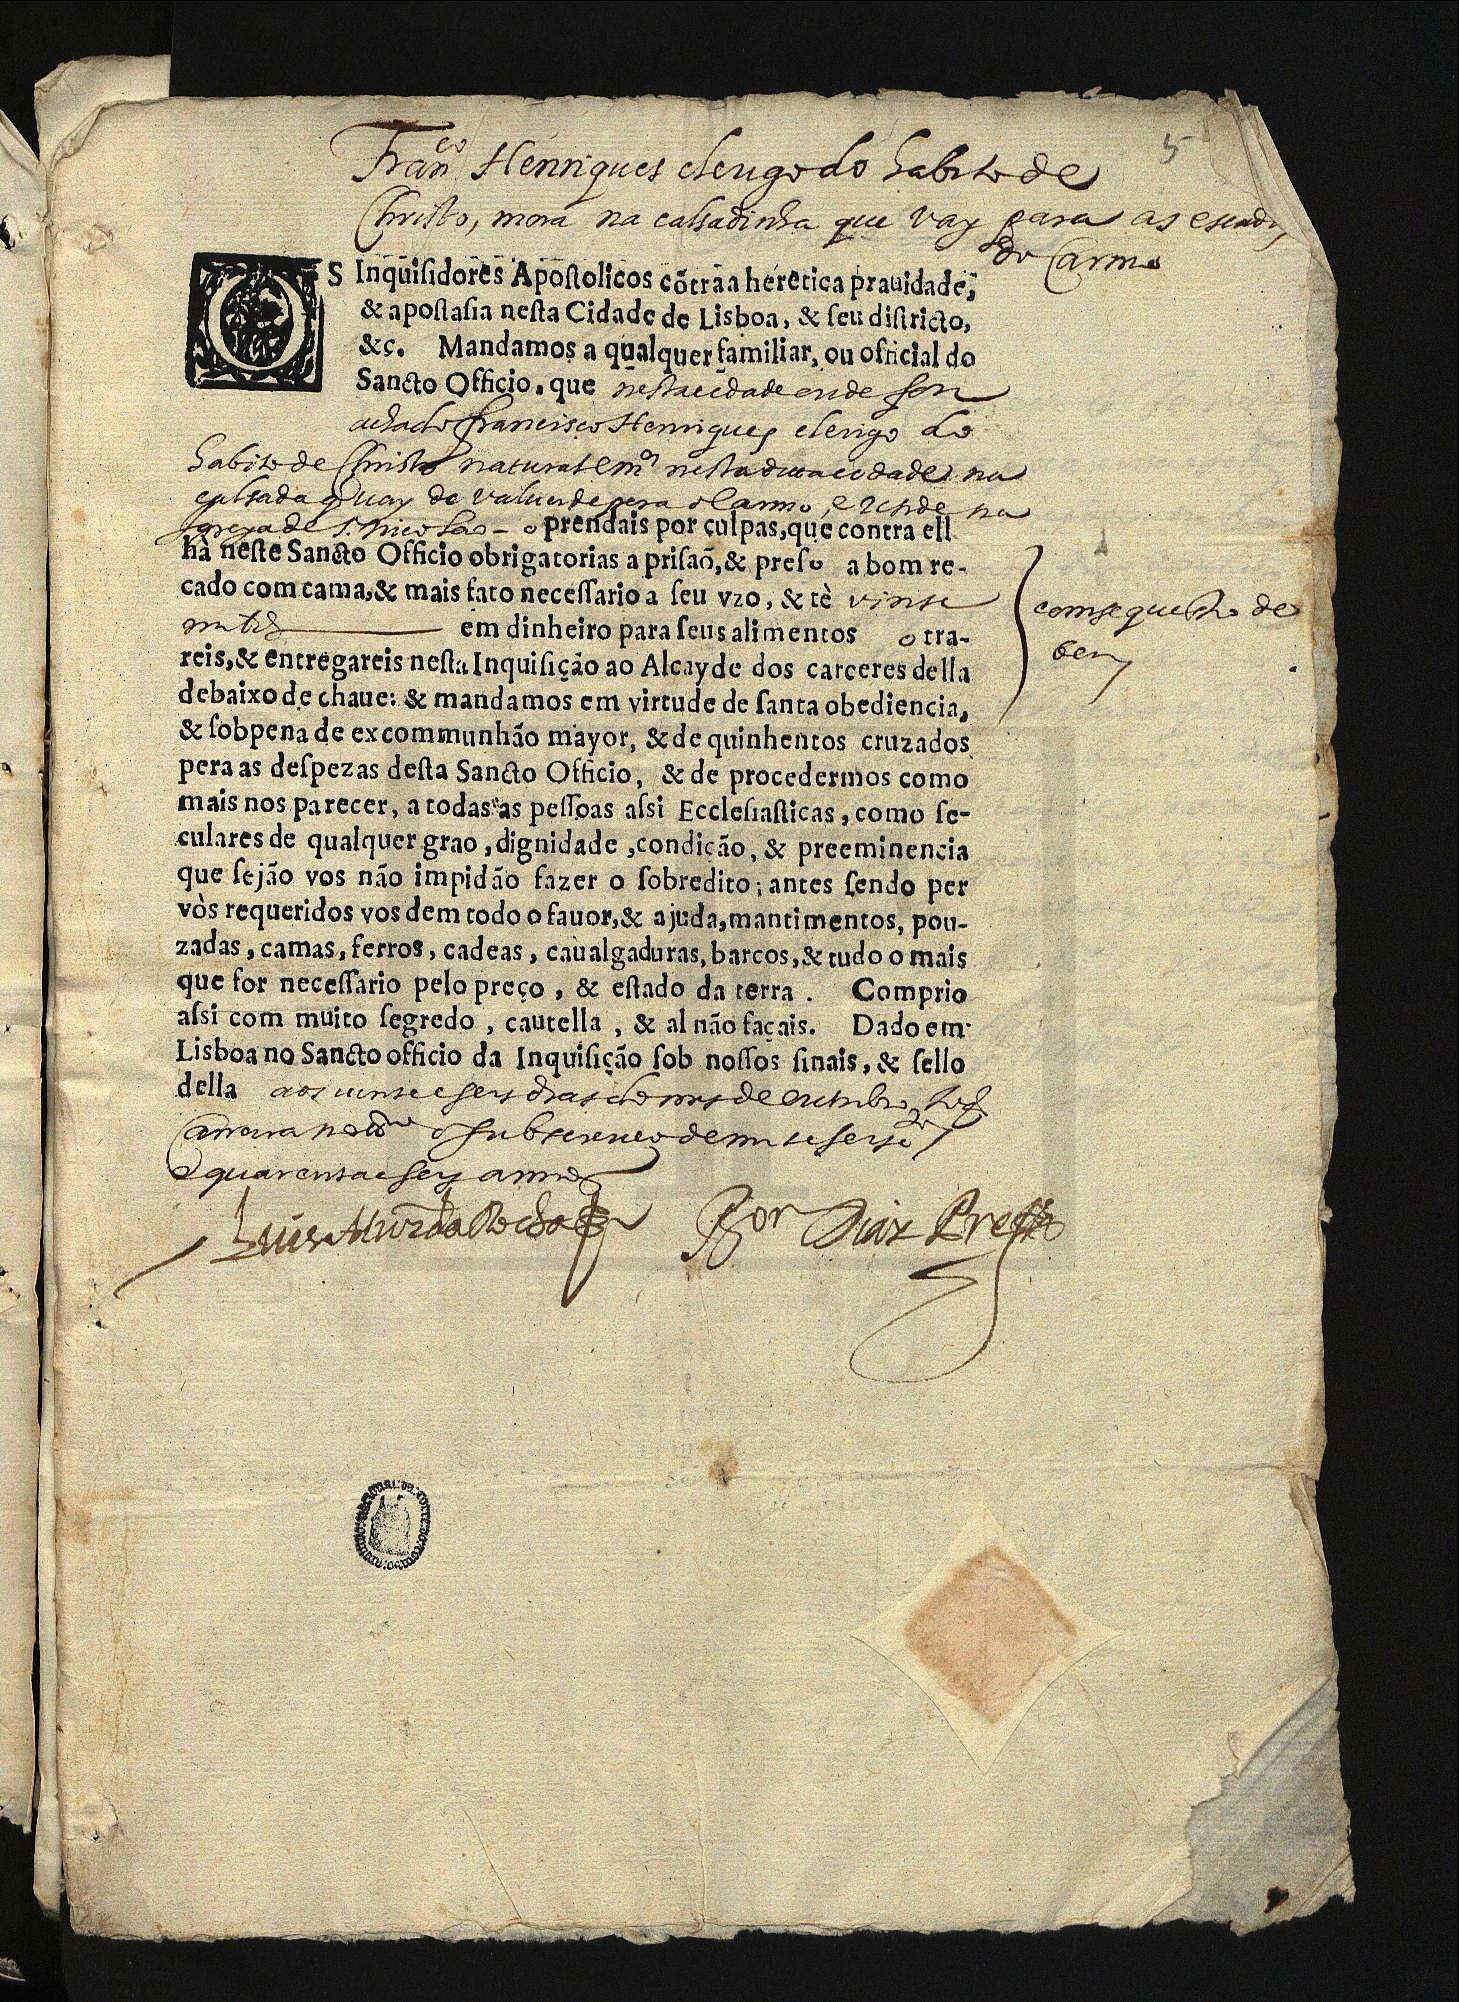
Franco Henriques clerigo do habito de
Christo, mora na calsadinha que vay para as escada
do Carmo
S Inquisidores Apostolicos cōtra a heretica prauidade,
& apostasia nesta Cidade de Lisboa, & seu districto,
&c. Mandamos a qualquer familiar, ou official do
Sancto Officio, que nesta cidade onde for
achado francisco Henriques clerigo do
habito de Christo natural e mor nesta ditta cidade na
calsada q̄ uay de valuerde pera o Carmo, e reside na
Jgreya de s. nicolao o prendais por culpas, que contra ell
hà neste Sancto Officio obrigatorias a prisaõ, & preso a bom re
cado com cama, & mais fato necessario a seu vzo, & tè vinte
com sequestro de
bens
mil rs̄
em dinheiro para seus alimentos o tra
reis, & entregareis nesta Inquisição ao Alcayde dos carceres della
debaixo de chaue: & mandamos em virtude de santa obediencia,
& sob pena de excommunhão mayor, & de quinhentos cruzados
pera as despezas desta Sancto Officio, & de procedermos como
mais nos parecer, a todas as pessoas assi Ecclesiasticas, como se
culares de qualquer grao, dignidade, condição, & preeminencia
que sejão vos não impidão fazer o sobredito: antes sendo per
vòs requeridos vos dem todo o fauor, & ajuda, mantimentos, pou
zadas, camas, ferros, cadeas, caualgaduras, barcos, & tudo o mais
que for necessario pelo preço, & estado da terra. Comprio
assi com muito segredo, cautella, & al não façais. Dado em
Lisboa no Sancto officio da Inquisição sob nossos sinais, & sello
della aos uinte e seis dias do mes de outubro Ioā
Carreira nottro o subscreueo de mil e seisctos
e quarenta e seis annos
Luis Aluz̄ da Rocha
Bor Diaz Pretto
